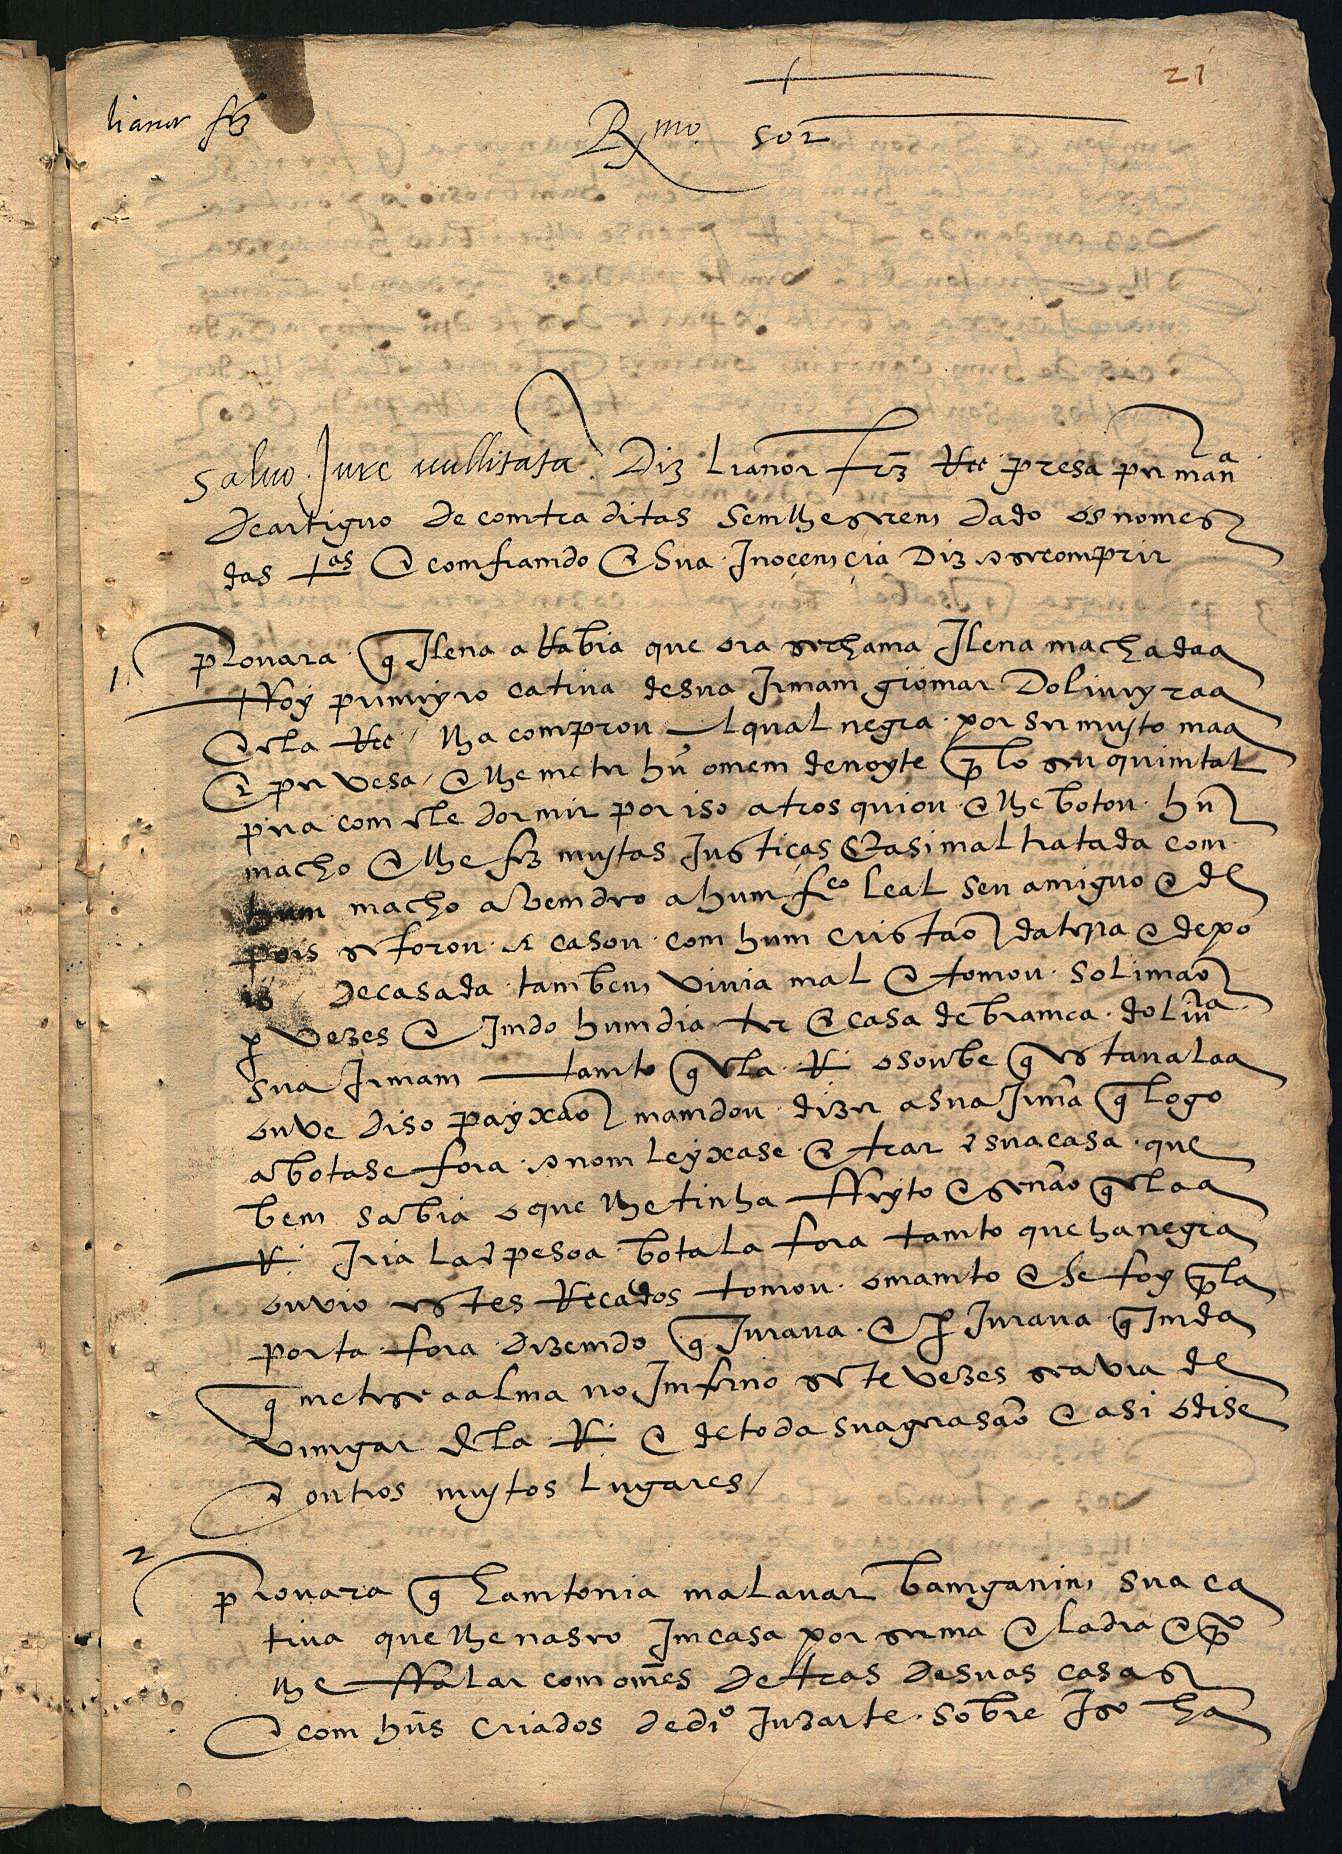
lianor frz̄
℞mo sor̄
Saluo Jure millitata Diz Lianor frz̄ Ree presa per manra
De artiguo de comtraditas Sem lhe serem dado os nomes
das tas e comfiamdo ē Sua Jnoçemçia Diz e se comprir
prouara q̄ Jlena aRabia que ora se chama Jlena machadaa
ffoy primeyro catiua de sua Jrmam giomar Doliueyraa
e ela Ree / lha comprou A quaL negra. por ser mujto maa
e pervesa / e lhe meter hū omom de noyte p̄lo seu quimtaL
per com ele dormir por iso a trosquiou e lhe botou hū
macho e lhe fez mujtas Justiças E asi mal tratada com
hum macho a vemdeo a hum fco leaL seu amiguo e de
pois se forou e casou com hum cristaõ da terra e depo
is / de casada tambem viuia maL e tomou SoLimaõ
ꝑ vezes e Jmdo hum dia ter ē casa de bramca. doliura
sua Jrmam tamto q̄ ela R o soube q̄ estaua laa
ouve diso payxaõ mamdou dizer a sua Jrmā q̄ logo
a botase fora. e nom Leyxase ētrar ē sua casa .que
bem sabia o que lhe tinha ffeyto e se não q̄ elaa
R Jria La ē pesoa bota La fora tamto que ha negra
ouvio estes Recados tomou. o mamto e se foy p̄la
porta fora dizemdo q̄ Juraua. e ꝑJuraua q̄ Jmda
q̄ metese a aLma no Jmferno sete vezes se avia de
vimgar dela R e de toda sua gerasão e asi o dise
ē outros mujtos Lugares /
prouara q̄ hamtonia maLauar bamganim sua ca
tiua que lhe nasceo Jm casa por ser ma e Ladra e p̄o
lhe ffalar com omes detras de suas casas
e com hūs criados de dio Juzarte Sobre Jso ha
